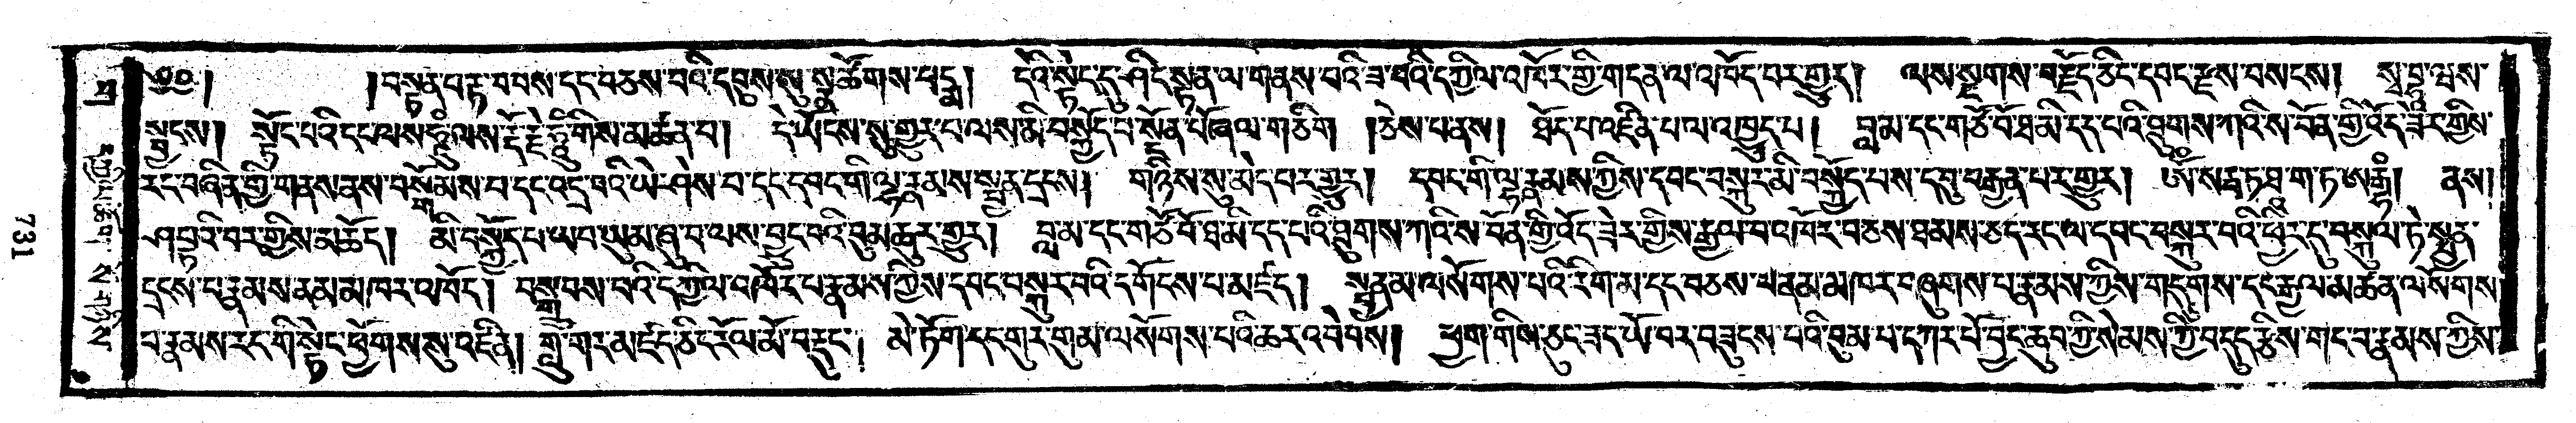༄༅། །བསྟན་བརྟ་བབས་དང་བཅས་པའི་དབུས་སུ་སྣ་ཚོགས་པདམ། དེའི་སྟེང་དུ་ཤིང་སྟན་ལ་གནས་པའི་ཟ་བའི་དཀྱིལ་འཁོར་གྱི་གདན་ལ་འཁོད་པར་གྱུར། ལས་སྔགས་བརྗོད་ཅིང་དབང་རྫས་བསངས། སྭ་བྷཱ་ཝས་
སྦྱངས། སྟོང་པའི་དང་ལས་ཧཱུཾ་ལས་རྡོ་རྗེ་ཧཱུཾ་གིས་མཚན་པ། དེ་ཡོངས་སུ་གྱུར་པ་ལས་མི་བསྐྱོད་པ་སྔོན་པོ་ཞལ་གཅིག །ཅེས་པ་ནས། ཐོད་པ་འཛིན་པ་ལ་འཁྱུད་པ། བླ་མ་དང་གཙོ་བོ་ཐ་མི་དད་པའི་ཐུགས་ཀའི་ས་བོན་གྱི་འོད་ཟེར་གྱིས་
རང་བཞིན་གྱི་གནས་ནས་བསྒོམས་བ་དང་འདྲ་བའི་ཡེ་ཤེས་བ་དང་དབང་གི་ལྷ་རྣམས་སྤྱན་དྲངས། གཉིས་སུ་མེད་པར་གྱུར། དབང་གི་ལྷ་རྣམས་ཀྱིས་དབང་བསྐུར་མི་བསྐྱོད་པས་དབུ་བརྒྱན་པར་གྱུར། ཨོཾ་སརྦ་ཏ་ཐཱ་ག་ཏ་ཨརྒྷཾ། ནས།
ཤཔྟའི་བར་གྱིས་མཆོད། མི་བསྐྱོད་པ་ཡབ་ཡུམ་ཞུ་བ་ལས་བྱུང་བའི་བུམ་ཆུར་གྱུར། བླ་མ་དང་གཙོ་བོ་ཐ་མི་དད་པའི་ཐུགས་ཀའི་ས་བོན་གྱི་འོད་ཟེར་གྱིས་རྒྱལ་བ་འཁོར་བཅས་ཐམས་ཅད་རང་ལ་དབང་བསྐུར་བའི་ཕྱིར་དུ་བསྐུལ་ཏེ་སྤྱན་
དྲངས་པ་རྣམས་ནམ་མཁར་འཁོད། བསྒྲུབས་པའི་དཀྱིལ་འཁོར་པ་རྣམས་ཀྱིས་དབང་བསྐུར་བའི་དགོངས་པ་མཛད། སྤྱན་མ་ལ་སོགས་པའི་རིག་མ་དང་བཅས་ལ་ནམ་མཁར་བཞུགས་པ་རྣམས་ཀྱིས་གདུགས་དང་རྒྱལ་མཚན་ལ་སོགས་
པ་རྣམས་རང་གི་སྟེང་ཕྱོགས་སུ་འཛིན། གླུ་གར་མཛད་ཅིང་རོལ་མོ་བརྡུང་། མེ་ཏོག་དང་གུར་གུམ་ལ་སོགས་པའི་ཆར་འབེབས། ཕྱག་གིས་ཅུང་ཟད་ཡོ་བར་བཟུངས་པའི་བུམ་པ་དཀར་པོ་བྱང་ཆུབ་ཀྱི་སེམས་ཀྱི་བདུད་རྩིས་གང་བ་རྣམས་ཀྱིས་